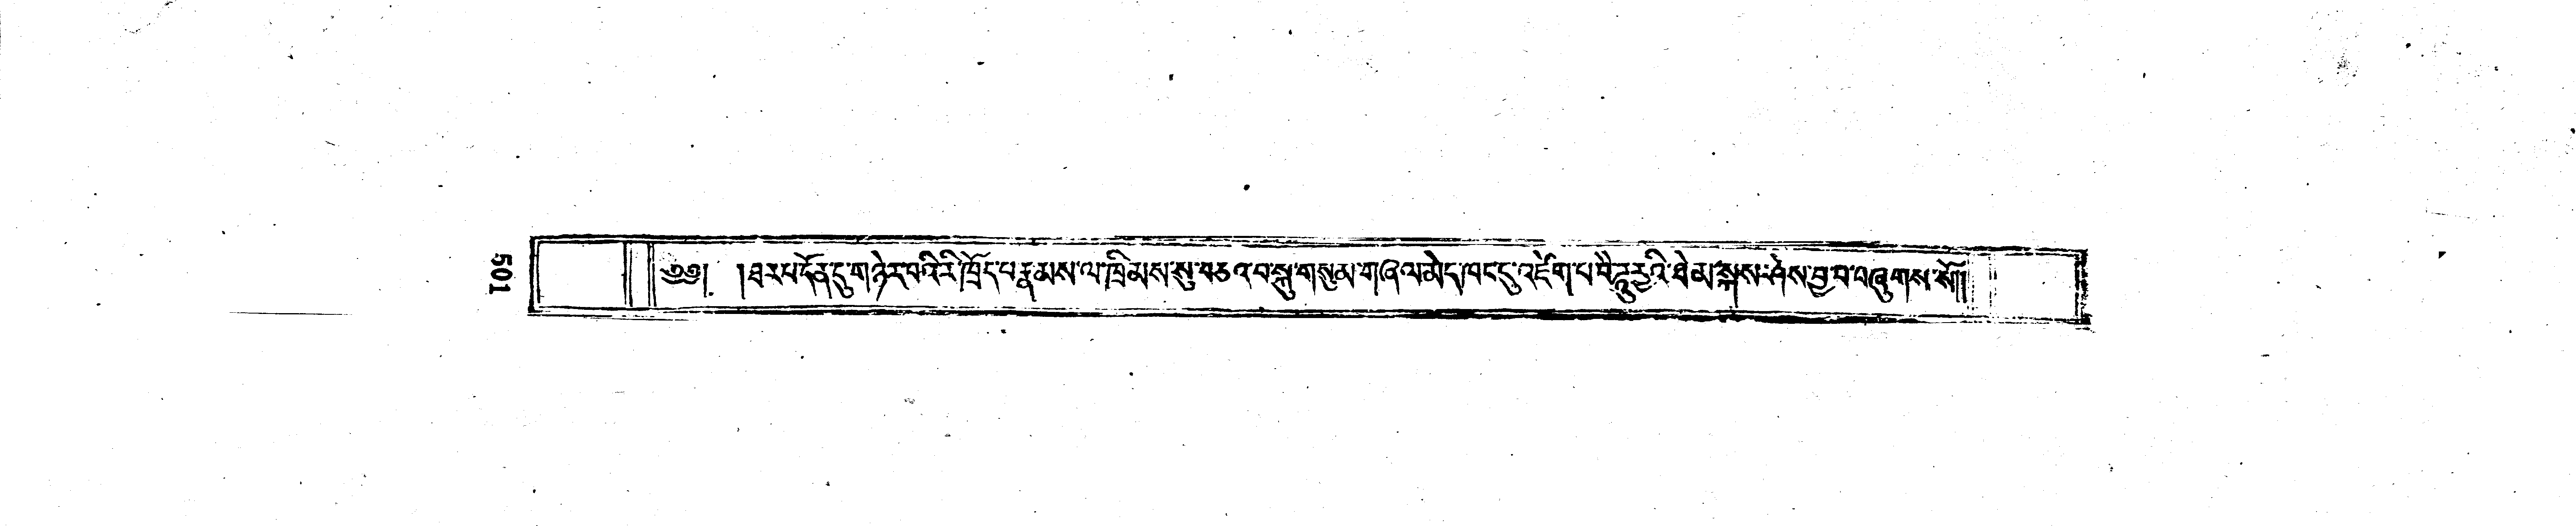༄༅། །ཐར་པ་དོན་དུ་གཉེར་བའི་རི་ཁྲོད་པ་རྣམས་ལ་ཁྲིམས་སུ་བཅའི་བ་སྐུ་གསུམ་གཞལ་མེད་ཁང་དུ་འཛེག་པ་བཻཌཱུརྱའི་ཐེམ་སྐས་ཞེས་བྱ་བ་བཞུགས་སོ། །